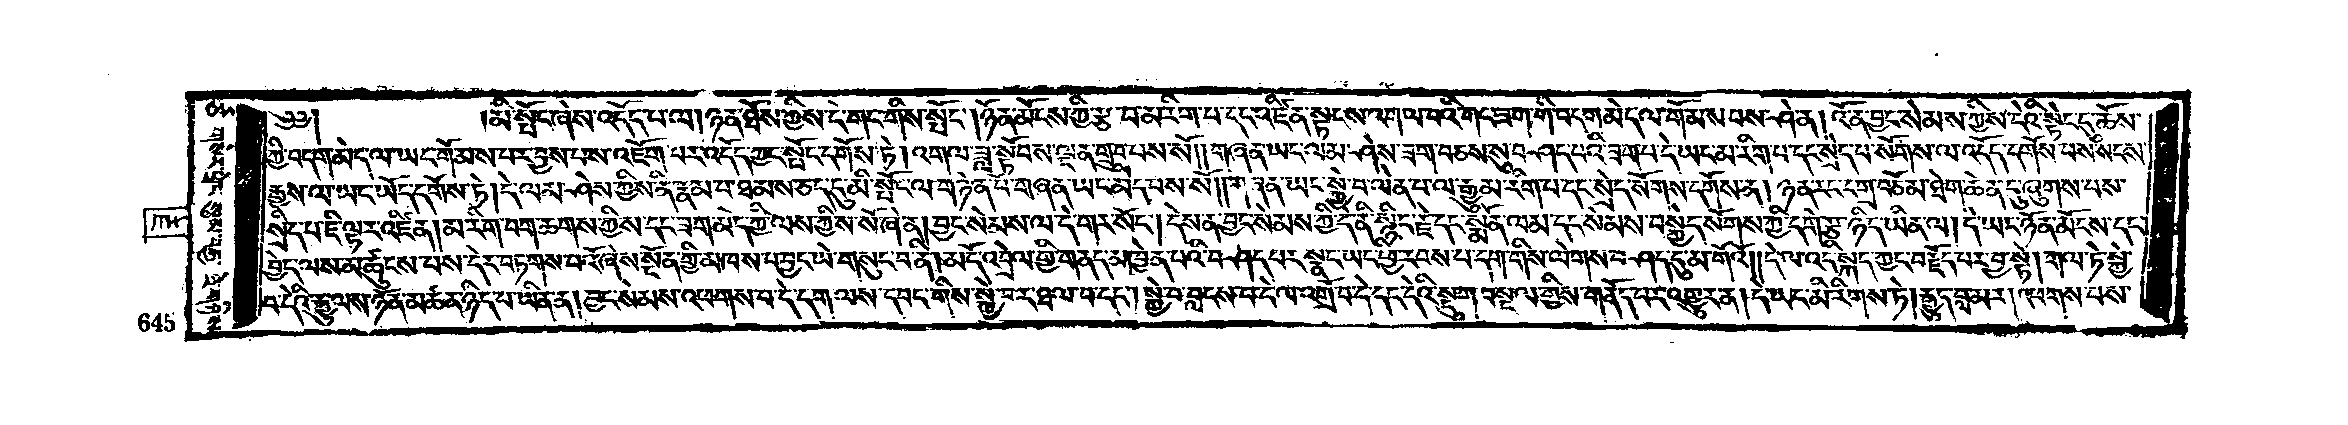༄༅། །མི་སྤོང་ཞེས་འདོད་པ་ལ། ཉན་ཐོས་ཀྱིས་ད་གང་གིས་སྤོང་། ཉོན་མོངས་ཀྱི་རྩ་བ་མ་རིག་པ་དང་འཛིན་སྟངས་འགལ་བའི་གང་ཟག་གི་བདག་མེད་ལ་གོམས་པས་ཤེ་ན། འོ་ན་བྱང་སེམས་ཀྱིས་དེའི་སྟེང་དུ་ཆོས་
ཀྱི་བདག་མེད་ལ་ཡང་གོམས་པར་བྱས་པས་འཇོག་པར་འདོད་ཀྱང་སྤོང་དགོས་ཏེ། འགལ་ཟླ་སྟོབས་ལྡན་གྲུབ་པས་སོ། །གཞན་ཡང་ལམ་ཤེས་ཟག་བཅས་སུ་བཤད་པའི་ཟག་པ་དེ་ཡང་མ་རིག་པ་དང་སྲིད་པ་སོགས་ལ་འདོད་དགོས་པས་སངས་
རྒྱས་ལ་ཡང་ཡོད་དགོས་ཏེ། དེ་ལམ་ཤེས་ཀྱིས་ནི་རྣམ་པ་ཐམས་ཅད་དུ་མི་སྤོང་ལ་གཉེན་པོ་གཞན་ཡང་མེད་པས་སོ། །གཞན་ཡང་སྐྱེ་བ་ལེན་པ་ལ་རྒྱུ་མ་རིག་པ་དང་སྲེད་སོགས་དགོས་ན། ཉན་རང་དགྲ་བཅོམ་ཐེག་ཆེན་དུ་ཞུགས་པས་
སྲིད་པ་ཇི་ལྟར་འཛིན། མ་རིག་བག་ཆགས་ཀྱིས་དང་ཟག་མེད་ཀྱི་ལས་ཀྱིས་སོ་ཞེ་ན། བྱང་སེམས་ལ་དེ་གར་སོང་། དེས་ན་བྱང་སེམས་ཀྱི་དེ་ནི་སྙིང་རྗེ་དང་སྨོན་ལམ་དང་སེམས་བསྐྱེད་སོགས་ཀྱི་དགེ་རྩ་ཉིད་ཡིན་ལ། དེ་ཡང་ཉོན་མོངས་དང་
བྱེད་ལས་མཚུངས་པས་དེར་བཏགས་པའོ་ཞེས་སྔོན་གྱི་མཁས་པ་བྱང་ཡེ་གསུང་བ་ནི། མདོ་འབྲེལ་གྱི་གནད་མཁྱེན་པའི་བཤད་པར་སྣང་ཡང་ཕྱི་རབས་པ་དག་གིས་ལེགས་བཤད་དུ་མ་གོའོ། །དེ་ལ་འདི་སྐད་ཀྱང་བརྗོད་པར་བྱ་སྟེ། གལ་ཏེ་སྐྱེ་
བ་དེའི་རྒྱུ་ལས་ཉོན་མཚན་ཉིད་པ་ཡིན་ན། བྱང་སེམས་འཕགས་པ་དེ་དག་ལས་དབང་གིས་སྐྱེ་བར་ཐལ་བ་དང་། སྐྱེ་བ་བླངས་པ་དེ་ལ་འགྲོ་བ་དེ་དང་དེའི་སྡུག་བསྔལ་གྱིས་གནོད་པར་འགྱུར་ན། དེ་ཡང་མི་རིགས་ཏེ། རྒྱུད་བླ་མར། འཕགས་པས་